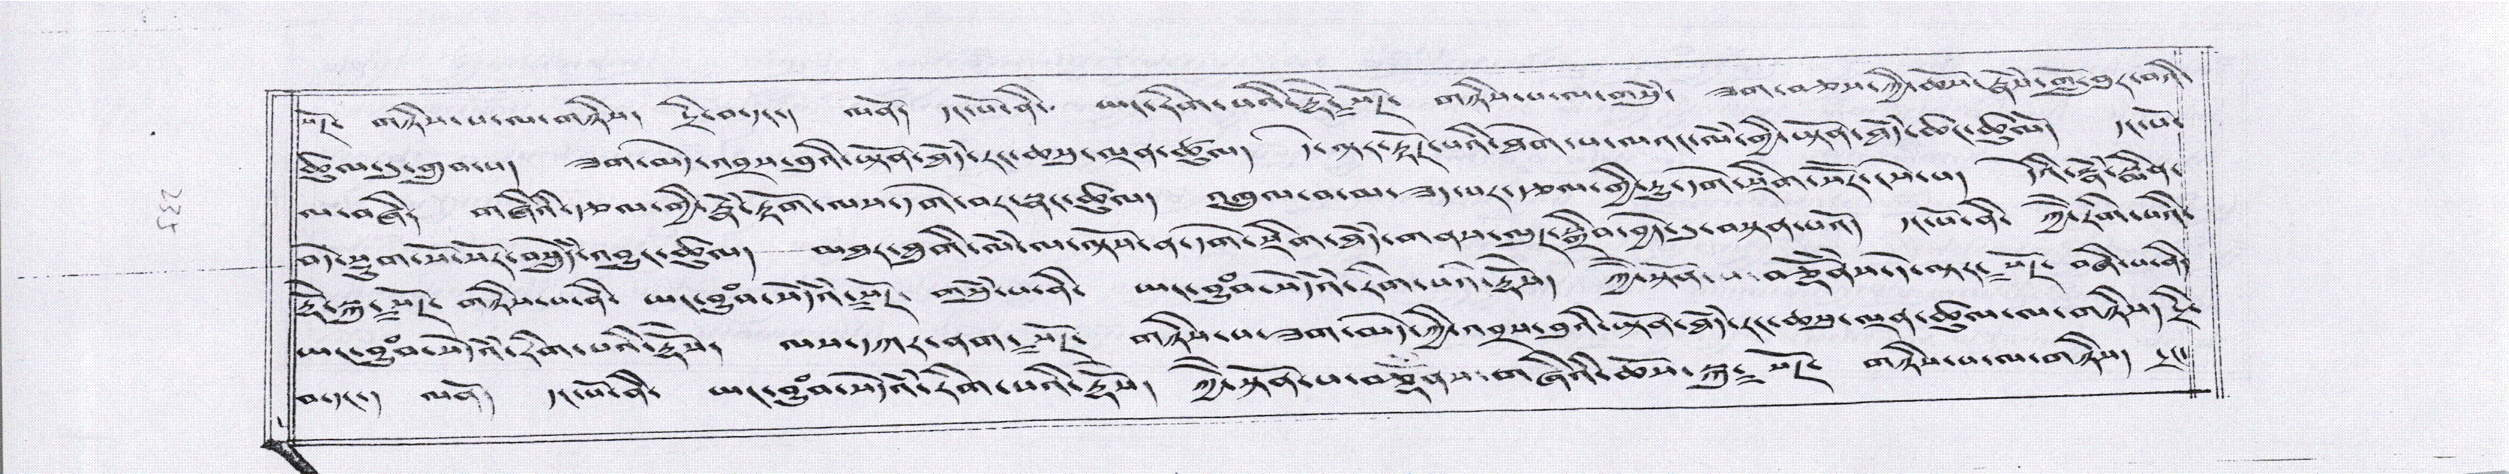སོགས། གཉིས་པ་ལ་གཉིས། དྲི་བ་དང། ལན་ནོ། དང་པོ་ནི། ཡང་རིག་པའི་རྡོ་རྗེ་སོགས། གཉིས་པ་ལ་གསུམ། ཟག་བཅས་ཀྱི་ཆོས་རྣམས་གློ་བུར་བའི་
ཚུལ་དུ་གྲུབ་པ། ཟག་མེད་འབྲས་བུའི་ཡོན་ཏན་ཐམས་ཅད་རང་ཆས་སུ་ལྡན་ཚུལ། དེ་ལྟར་རྟོགས་པའི་ཐེག་པ་ལའང་ལམ་གྱི་ཡོན་ཏན་ཐམས་ཅད་ཚང་ཚུལ་ལོ། དང་པོ་
ལ་བཞི། གཞིའི་རྩལ་གྱི་རྣམ་རྟོག་ལས་དགེ་བར་སྣང་ཚུལ། འཁྲུལ་བ་མ་ཟད་པར་རྩལ་གྱི་རྒྱུ་དགེ་སྡིག་སོ་སོར་ངེས་པ། དེའི་རྣམ་སྨིན་
བདེ་སྡུག་སོ་སོར་བསླུ་མེད་འབྱུང་ཚུལ། མཐར་ཐུག་གི་ལམ་ལ་ལྟོས་ན་དགེ་སྡིག་ཐམས་ཅད་གནས་ལུགས་སྒྲིབ་བྱེད་དུ་བསྟན་པའོ། དང་པོ་ནི། ཀྱཻ་རིག་པའི་
རྡོ་རྗེ་སོགས། གཉིས་པ་ནི། ཡང་བྱང་ཆུབ་སེམས་དཔའ་སོགས། གསུམ་ཡིན། ཡང་བྱང་ཆུབ་སེམས་དཔའ་རིག་པའི་རྡོ་རྗེས། ཀྱཻ་སྟོན་པ་བཅོམ་ལྡན་འདས་དེ་ལྟར་སོགས། བཞི་པ་ནི། 
ཡང་བྱང་ཆུབ་སེམས་དཔའ་འམ་རིག་པའི་རྡོ་རྗེས། ལས་དཀར་ནག་སོགས། གཉིས་པ་ཟག་མེད་ཀྱི་འབྲས་བུའི་ཡོན་ཏན་ཐམས་ཅད་རང་ཆས་སུ་ལྡན་ཚུལ་ལ་གཉིས། དྲི་
བ་དང། ལན་ནོ། དང་པོ་ནི། ཡང་བྱང་ཆུབ་སེམས་དཔའ་འམ་རིག་པའི་རྡོ་རྗེས། ཀྱཻ་སྟོན་པ་བཅོམ་ལྡན་འདས་གཞིའི་ཆོས་སྐུ་སོགས། གཉིས་པ་ལ་གཉིས། དྲང་